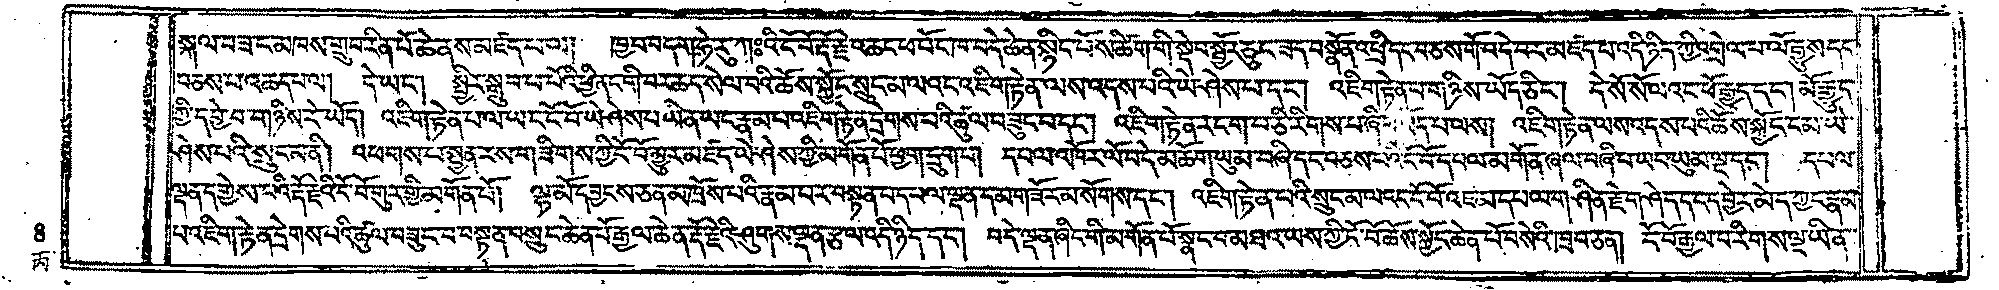སྐལ་བཟང་མཁས་གྲུབ་རིན་པོ་ཆེ་ནས་མཛད་པ་ལ། ཁྱབ་བདག་ཧེ་རུ་ཀཿའི་ངོ་བོ་རྡོ་རྗེ་འཆང་ཕ་བོང་ཁ་བདེ་ཆེན་སྙིང་པོས་ཚིག་གི་སྡེབ་སྦྱོར་ཅུང་ཟད་བསྣོན་འཕྲི་དང་བཅས་གོ་བདེ་བར་མཛད་པ་འདི་ཉིད་ཀྱི་འགྲེལ་པ་ལོ་རྒྱུས་དང་
བཅས་པ་འཆད་པ་ལ། དེ་ཡང་། སྤྱིར་སྒྲུབ་པ་པོའི་ཕྱི་ནང་གི་བར་ཆད་སེལ་བའི་ཆོས་སྐྱོང་སྲུང་མ་ལའང་འཇིག་རྟེན་ལས་འདས་པའི་ཡེ་ཤེས་པ་དང་། འཇིག་རྟེན་པ་གཉིས་ཡོད་ཅིང་། དེ་སོ་སོ་ལའང་ཕོ་རྒྱུད་དང་། མོ་རྒྱུད་
ཀྱི་དབྱེ་བ་གཉིས་རེ་ཡོད། འཇིག་རྟེན་པ་ལ་ཡང་ངོ་བོ་ཡེ་ཤེས་པ་ཡིན་ཡང་རྣམ་པ་འཇིག་རྟེན་དྲེགས་པའི་ཚུལ་བཟུང་བ་དང་། འཇིག་རྟེན་རང་ག་བ་ཅི་རིགས་པ་ཞིག་ཡོད་པ་ལས། འཇིག་རྟེན་ལས་འདས་པའི་ཆོས་སྐྱོང་ངམ་ཡི་
ཤེས་པའི་སྲུང་མ་ནི། འཕགས་པ་སྤྱན་རས་གཟིགས་ཀྱི་ངོ་བོ་མྱུར་མཛད་ཡེ་ཤེས་ཀྱི་མགོན་པོ་ཕྱག་དྲུག་པ། དཔལ་འཁོར་ལོ་བདེ་མཆོག་ཡུམ་བཞི་དང་བཅས་པའི་ངོ་བོ་དཔལ་མགོན་ཞལ་བཞི་པ་ཡབ་ཡུམ་ལྔ་དང་། དཔལ་
ལྡན་དགྱེས་པའི་རྡོ་རྗེའི་ངོ་བོ་གུར་གྱི་མགོན་པོ། ལྷ་མོ་དབྱངས་ཅན་མ་ཁྲོས་པའི་རྣམ་པར་བསྟན་པ་དཔལ་ལྡན་དམག་ཟོར་མ་སོགས་དང་། འཇིག་རྟེན་པའི་སྲུང་མ་ལའང་ངོ་བོ་འཇམ་དཔལ་གཤིན་རྗེ་གཤེད་དང་དབྱེར་མེད་ཀྱང་རྣམ་
པ་འཇིག་རྟེན་དྲེགས་པའི་ཚུལ་བཟུང་བ་བསྟན་བསྲུང་ཆེན་པོ་རྒྱལ་ཆེན་རྡོ་རྗེའི་ཤུགས་ལྡན་རྩལ་འདི་ཉིད་དང་། བདེ་ལྡན་ཞིང་གི་མགོན་པོ་སྣང་བ་མཐའ་ཡས་ཀྱི་ངོ་བོ་ཆོས་སྐྱོང་ཆེན་པོ་བསེའི་ཁྲབ་ཅན། ངོ་བོ་རྒྱལ་བ་རིགས་ལྔ་ཡིན་